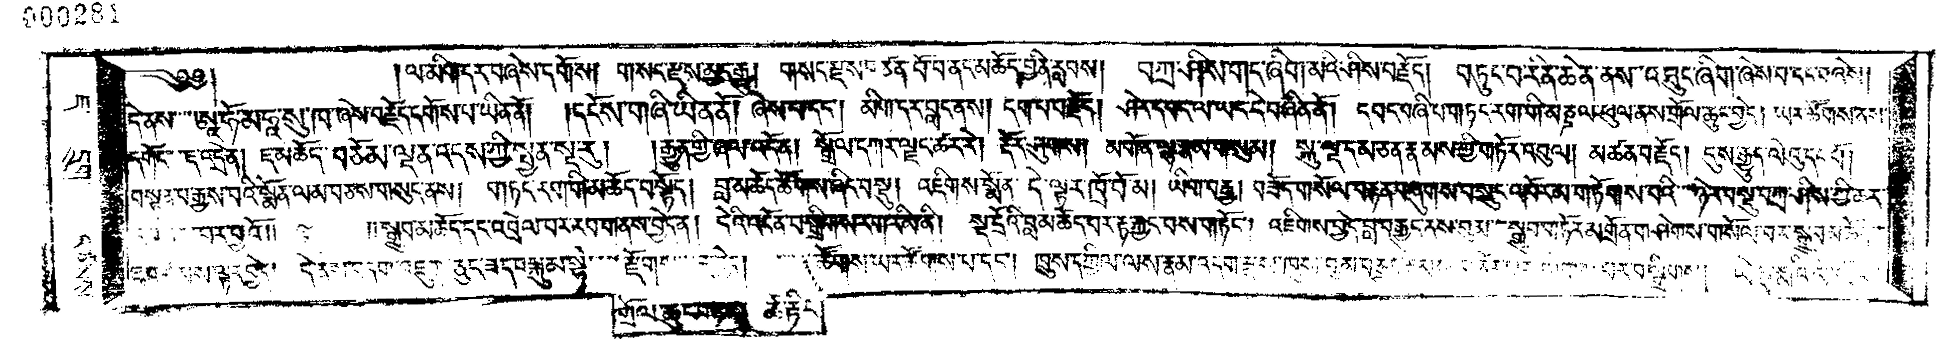༄༅། ། ལ་མིག་དར་བཞེས་དགོས། གསང་རྫས་མྱང་རྒྱུ། གསང་རྫས་བཙན་པོ་བ་ནང་མཆོད་བྱིན་རླབས།  བཀྲ་ཤིས་གང་ཞིག་མའི་ཤིས་བརྗོད།  བཏུང་བ་རིན་ཆེན་ནས་འཐུང་ཞིག་ཞེས་པ་དང་བཞེས།
དེ་ནས་ཨཱ་ཧོ་མ་ཧཱ་སུ་ཁ་ཞེས་བརྗོད་དགོས་པ་ཡིན་ནོ།  །དངོས་གཞི་ཡིན་ནོ། ཞེས་པ་དང་། མིག་དར་བླང་ནས། ངག་པ་བརྗོད། ཤེར་དབང་ལ་ཡང་དེ་བཞིན་ནོ། དབང་བཞི་པ་གཏང་རག་གི་མཎྜལ་ཕུལ་ནས་གྲོལ་ཆུང་བྱེད། ཡར་ཚོགས་ནས་
དགོང་ཇ་འདྲེན། ཇ་མཆོད་བཅོམ་ལྡན་འདས་ཀྱི་སྤྱན་སྔ་རུ། །རྒྱུན་གྱི་ཞལ་འདོན། སྒྲོལ་དཀར་ལྗང་ཚར་རེ། རྡོར་ཤུགས། མགོན་ལྷ་རྣམ་གསུམ། སྐུ་ལྔ་དམ་ཅན་རྣམས་ཀྱི་གཏོར་འབུལ། མཚན་བརྗོད། དུས་རྒྱུད་ལེའུ་དང་པོ།
བསྟན་པ་རྒྱས་པའི་སྨོན་ལམ་བཅས་གསུང་ནས། གཏང་རག་གི་མཆོད་བསྟོད། བླ་མཆོད་ཚོགས་ཞིང་བསྡུ། འཇིགས་སྨོན་དེ་ལྟར་ཁྲོ་བོ་མ། ཡིག་བརྒྱ། བཟོད་གསོལ་བརྟན་བཞུགས་བསྲུང་འཁོར་མ་གཏོགས་པའི་ཉེར་བསྡུ་བཀྲ་ཤིས་ཀྱི་ཆར་
དབབ་པར་བྱའོ།། ༈ །།སྒྲུབ་མཆོད་དང་འབྲེལ་བར་རབ་གནས་བྱེད་ན། དེའི་འདོན་བསྒྲིགས་རག་རིམ་ནི། སྔ་དྲོའི་བླ་མཆོད་པར་རྟ་རྐྱང་བས་གཏོང་། འཇིགས་བྱེད་བླ་བརྒྱུད་ནས་བུམ་སྒྲུབ་གཏོར་མགྲོན་གཤེགས་གསོལ་བར་སྒྲུབ་མཆོད་
ཇ་?་མཚམས་ལྟར་བྱེད། དེ་ནས་བདག་འཇུག་ཅུང་ཟད་བསྐུམ་སྟེ་རྫོགས་པར་བྱེད། གྲོལ་ཆུང་བཏང་། ཚ་རྟིང་ཚོགས་ཡར་ཚོགས་པ་དང་། ཁྲུས་དཀྱིལ་ལས་རྣམ་འདག་རྫས་ཁྲུས་བུམ་བརྒྱད་རྣམས་མ་ནོར་བར་ལེགས་པར་བསྒྲིགས། ཡེ་དྷ་རྨའི་མེ་ལོང་